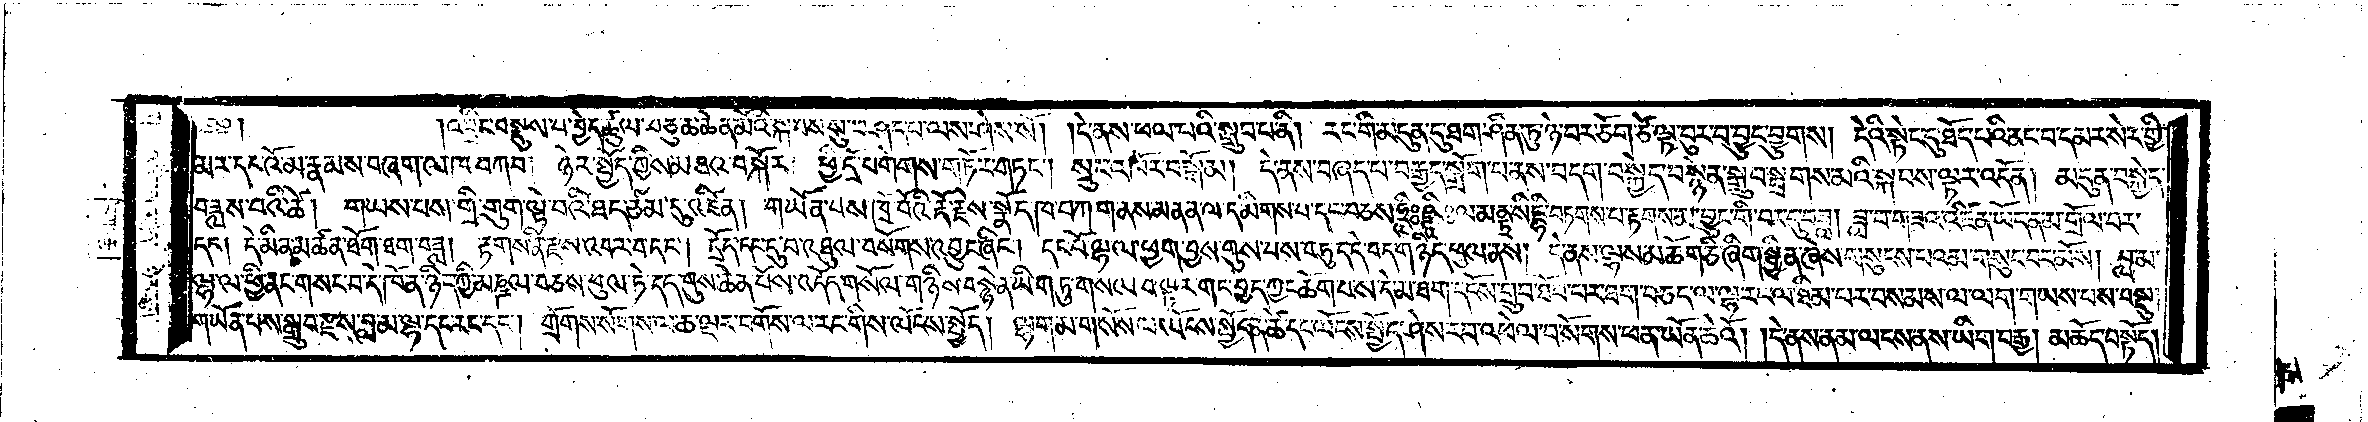༄༅། །འབྲིང་བསྡུས་པ་བྱེད་ཚུལ་བཅུ་ཆ་ཆེན་མོའི་སྐབས་སུ་བཤད་པ་ལས་ཤེས་སོ། །དེ་ནས་ཕལ་པའི་སྒྲུབ་པ་ནི། རང་གི་མདུན་དུ་ཐག་ཤིན་ཏུ་ཉེ་བར་ཅོག་ཙེ་ལྟ་བུར་བ་བྱུང་བྱུགས། དེའི་སྟེང་དུ་ཐོད་པའི་ནང་བ་དམར་སེར་གྱི་
མར་དང་འོ་མ་རྣམས་བཞག་ལ་ཁ་བཀབ། ཉེར་སྤྱོད་ཀྱིས་མཐའ་བསྐོར། ཕྱི་དྲོ་བགེགས་གཏོར་གཏང་། སྲུང་འཁོར་བསྒོམ། དེ་ནས་བཞད་པ་བརྒྱད་སྒྲོག་པ་ནས་བདག་བསྐྱེད་བསྙེན་སྒྲུབ་སྦྲགས་མའི་སྐབས་ལྟར་འདོན། མདུན་བསྐྱེད་
བཟླས་པའི་ཚེ། གཡས་པས་གྲི་གུག་ལྟེ་བའི་ཐད་ཙམ་དུ་འཛིན། གཡོན་པས་ཁྲོ་བོའི་རྡོ་རྗེས་སྣོད་ཁ་བཀག་ནས་མནན་ལ་དམིགས་པ་དང་བཅས་ཧྲེའིཿཥྜཱིཿ ལ་མནྟྲ་སིདྡྷི་བཏགས་པ་རྟགས་མ་བྱུང་གི་བར་དུ་བཟླ། ཟླ་བ་གཟའ་འཛིན་ཡོད་ནམ་གྲོལ་བར་
དང་། དེ་མིན་མཚན་ཐོག་ཐག་བཟླ། རྟགས་ནི་རྫས་འབར་བ་དང་། དྲོད་དང་དུ་བ་འཐུལ་བ་སོགས་འབྱུང་ཞིང་། དང་པོ་ལྷ་ལ་ཕྱག་བྱས་གུས་པས་བཏུད་དེ་བདག་ཉིད་ཕུལ་ནས། དེ་ནས་ལྷས་མཆོག་ཅི་ཞིག་སྦྱིན་ཞེས་གསུངས་པའམ་གསུང་བར་མོས། བླ་མ་
ལྷ་ལ་ཕྱི་ནང་གསང་བ་དེ་ཁོ་ན་ཉིད་ཀྱི་མཎྜལ་བཅས་ཕུལ་ཏེ་དད་གུས་ཆེན་པོས་འདོད་གསོལ་གཉིས་བསྙེན་ཡིག་ཏུ་གསལ་བ་ལྟར་གང་བྱེད་ཀྱང་ཆོག་པས་དེ་མ་ཐག་དངོས་གྲུབ་ཐོབ་པར་ཐག་བཅད་ལ་ལྷ་རང་ལ་ཐིམ་པར་བསམས་ལ་ལག་གཡས་པས་བསྡུ།
གཡོན་པས་སྒྲུབ་རྫས་བླ་མ་ལྷ་དང་རང་དང་། གྲོགས་སོགས་ལ་ཆ་ལྔར་བགོས་ལ་རང་གིས་ལོངས་སྤྱོད། ལྷག་མ་གསོས་ལ་ལོངས་སྤྱོད་ན་ཚེ་དང་ལོངས་སྤྱོད་ཤེས་རབ་འཕེལ་བ་སོགས་ཕན་ཡོན་ཆེའོ། །དེ་ནས་ནམ་ལངས་ནས་ཡིག་བརྒྱ། མཆོད་བསྟོད།